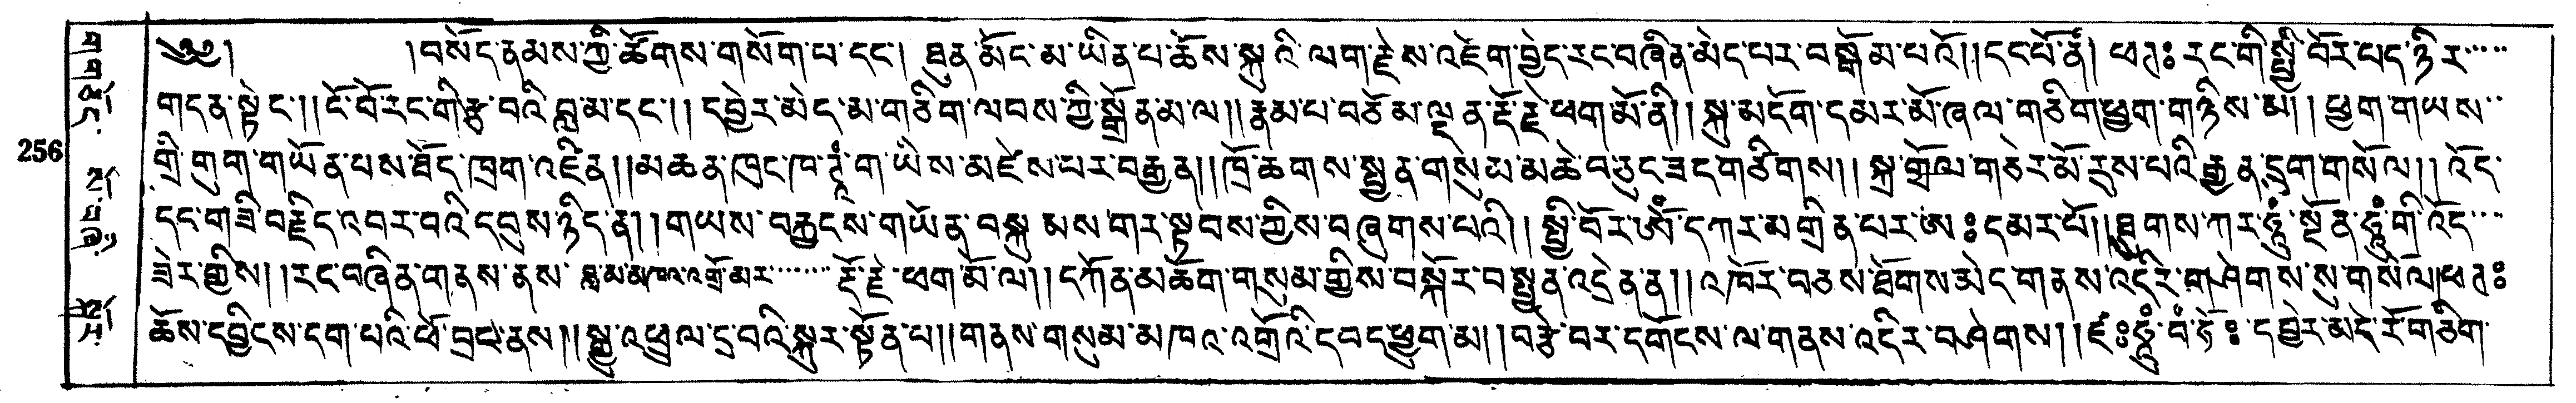༄༅། །བསོད་ནམས་ཀྱི་ཚོགས་གསོག་པ་དང་། ཐུན་མོང་མ་ཡིན་པ་ཆོས་སྐུའི་ལག་རྗེས་འཇོག་བྱེད་རང་བཞིན་མེད་པར་བསྒོམ་པའོ། །དང་པོ་ནི། ཕཊཿ རང་གི་སྤྱི་བོར་པད་ཉིར་
གདན་སྟེང་། །ངོ་བོ་རང་གི་རྩ་བའི་བླ་མ་དང་། །དབྱེར་མེད་མ་གཅིག་ལབས་ཀྱི་སྒྲོན་མ་ལ། །རྣམ་པ་བཅོམ་ལྡན་རྡོ་རྗེ་ཕག་མོ་ནི། །སྐུ་མདོག་དམར་མོ་ཞལ་གཅིག་ཕྱག་གཉིས་མ། །ཕྱག་གཡས་
གྲི་གུག་གཡོན་པས་ཐོད་ཁྲག་འཛིན། །མཆན་ཁུང་ཁ་ཊཱཾ་ག་ཡིས་མཛེས་པར་བརྒྱན། །ཁྲོ་ཆགས་སྤྱན་གསུམ་མཆེ་བ་ཅུང་ཟད་གཙིགས། །སྐྲ་གྲོལ་གཅེར་མོ་རུས་པའི་རྒྱན་དྲུག་གསོལ། །འོད་
དང་གཟི་བརྗིད་འབར་བའི་དབུས་ཉིད་ན། །གཡས་བརྐྱངས་གཡོན་བསྐུམས་གར་སྟབས་ཀྱིས་བཞུགས་པའི། །སྤྱི་བོར་ཨོཾ་དཀར་མགྲིན་པར་ཨཿ དམར་པོ། །ཐུགས་ཀར་ཧཱུཾ་སྔོན་ཧཱུཾ་གི་འོད་
ཟེར་གྱིས། །རང་བཞིན་གནས་ནས་བླ་མ་མཁའ་འགྲོ་མར་རྡོ་རྗེ་ཕག་མོ་ལ། །དཀོན་མཆོག་གསུམ་གྱིས་བསྐོར་བ་སྤྱན་འདྲེན་ན། །འཁོར་བཅས་ཐོགས་མེད་གནས་འདིར་གཤེགས་སུ་གསོལ། ཕཊཿ
ཆོས་དབྱིངས་དག་པའི་ཕོ་བྲང་ནས། །སྒྱུ་འཕྲུལ་དྲ་བའི་སྐུར་སྟོན་པ། །གནས་གསུམ་མཁའ་འགྲོའི་དབང་ཕྱུག་མ། །བརྩེ་བར་དགོངས་ལ་གནས་འདིར་བཤེགས། །ཛཿ ཧཱུཾ་བཾ་ཧོཿ དབྱེར་མེད་རོ་གཅིག་